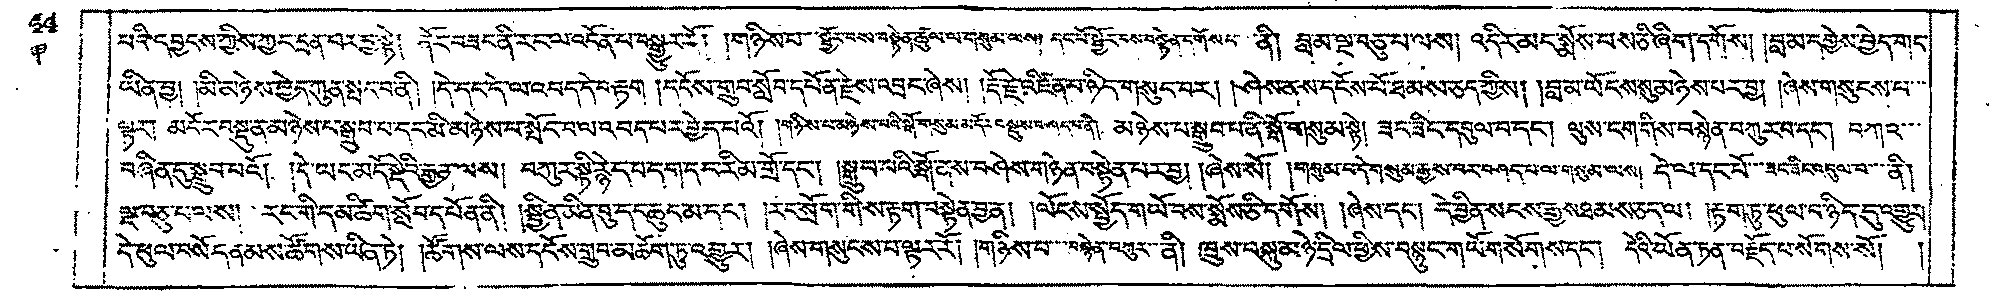པའི་དབྱངས་ཀྱིས་ཀྱང་དྲན་པར་བྱ་སྟེ། ནོར་བཟང་ནི་རང་ལ་འདོན་པ་བསྒྱུར་རོ། །གཉིས་པསྦྱོར་བས་བསྟེན་ཚུལ་ལ་གསུམ་ལས། དང་པོ་སྦྱོར་བས་བསྟེན་དགོས་པནི། བླ་མ་ལྔ་བཅུ་པ་ལས། འདིར་མང་སྨོས་པས་ཅི་ཞིག་དགོས། །བླ་མ་དགྱེས་བྱེད་གང་
ཡིན་བྱ། །མི་མཉེས་བྱེད་ཀུན་སྤང་བ་ནི། །དེ་དང་དེ་ལ་འབད་དེ་བརྟག །དངོས་གྲུབ་སློབ་དཔོན་རྗེས་འབྲང་ཞེས། །རྡོ་རྗེ་འཛིན་པ་ཉིད་གསུང་བར། །ཤེས་ནས་དངོས་པོ་ཐམས་ཅད་ཀྱིས། །བླ་མ་ཡོངས་སུ་མཉེས་པར་བྱ། །ཞེས་གསུངས་པ་
ལྟར། མདོར་བསྡུ་ན་མཉེས་པ་སྒྲུབ་པ་དང་མི་མཉེས་པ་སྤོང་བ་ལ་འབད་པར་བྱེད་པའོ། །གཉིས་པ་མཉེས་པའི་སྒོ་གསུམ་མདོར་བསྡུས་བཤད་པ་ནི།  མཉེས་པ་སྒྲུབ་པ་ནི་སྒོ་གསུམ་སྟེ། ཟང་ཟིང་དབུལ་བ་དང་། ལུས་ངག་གིས་བསྙེན་བཀུར་བ་དང་། བཀའ་
བཞིན་དུ་སྒྲུབ་པའོ། །དེ་ཡང་མདོ་སྡེའི་རྒྱན་ལས། བཀུར་སྟི་རྙེད་པ་དག་དང་རིམ་གྲོ་དང་། །སྒྲུབ་པའི་སྒོ་ནས་བཤེས་གཉེན་བསྟེན་པར་བྱ། །ཞེས་སོ། །གསུམ་པ་དེ་གསུམ་རྒྱས་པར་བཤད་པ་ལ་གསུམ་ལས།  དེ་ལ་དང་པོཟང་ཟིང་འབུལ་བནི།
ལྔ་བཅུ་པ་ལས། རང་གི་དམ་ཚིག་སློབ་དཔོན་ནི། །སྦྱིན་མིན་བུ་དང་ཆུང་མ་དང་། །རང་སྲོག་གིས་རྟག་བསྟེན་བྱ་ན། །ལོངས་སྤྱོད་གཡོ་བས་སྨོས་ཅི་དགོས། །ཞེས་དང་། དེ་བྱིན་སངས་རྒྱས་ཐམས་ཅད་ལ། །རྟག་ཏུ་ཕུལ་བ་ཉིད་དུ་འགྱུར།
དེ་ཕུལ་བསོད་ནམས་ཚོགས་ཡིན་ཏེ། །ཚོགས་ལས་དངོས་གྲུབ་མཆོག་ཏུ་འགྱུར། །ཞེས་གསུངས་པ་ལྟར་རོ། །གཉིས་པབསྙེན་བཀུརནི། ཁྲུས་བསྐུ་མཉེ་དྲིལ་ཕྱིས་བསྙུང་གཡོག་སོགས་དང་། དེའི་ཡོན་ཏན་བརྗོད་པ་སོགས་སོ།།